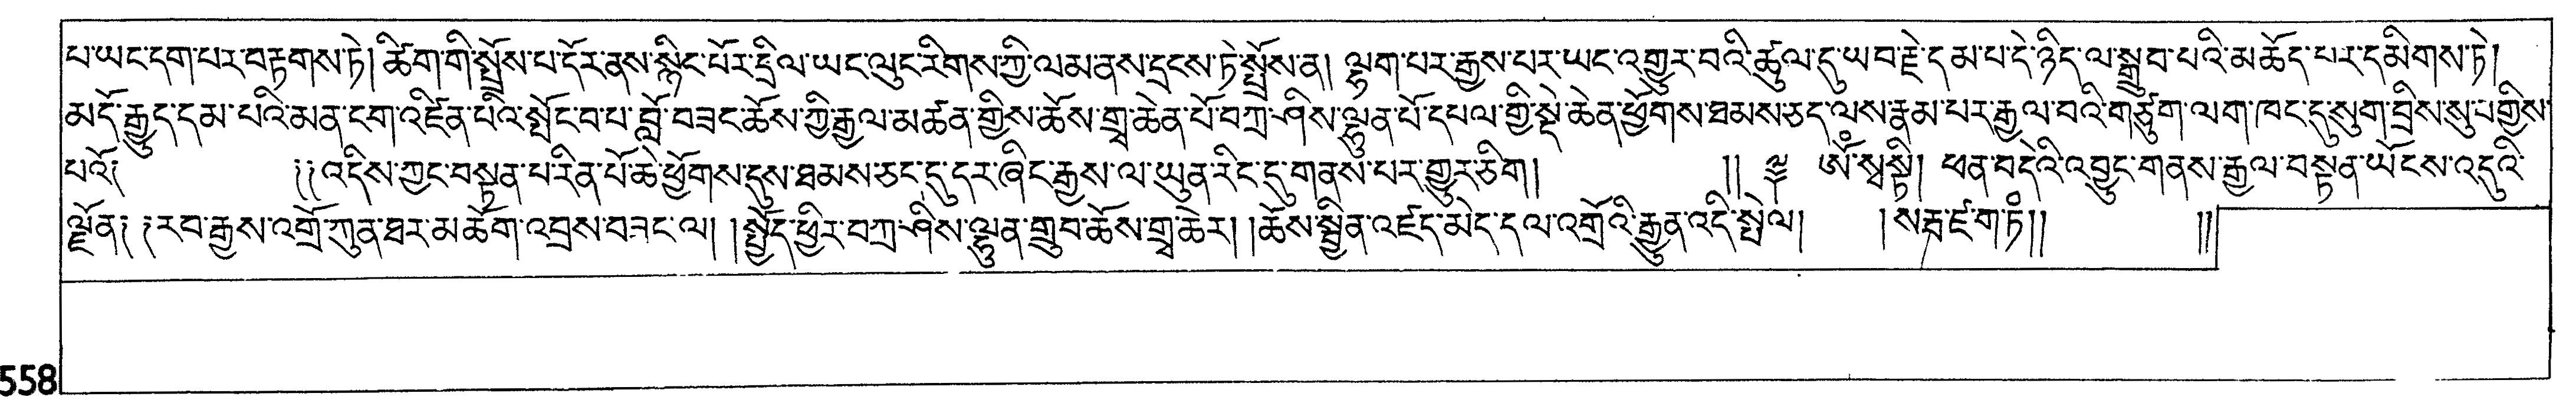པ་ཡང་དག་པར་བརྟགས་ཏེ། ཚིག་གི་སྤྲོས་པ་དོར་ནས་སྙིང་པོར་དྲིལ་ཡང་ལུང་རིགས་ཀྱི་ལམ་ནས་དྲངས་ཏེ་སྤྲོས་ན། ལྷག་པར་རྒྱས་པར་ཡང་འགྱུར་བའི་ཚུལ་དུ་ཡབ་རྗེ་དམ་པ་དེ་ཉིད་ལ་སྒྲུབ་པའི་མཆོད་པར་དམིགས་ཏེ།
མདོ་རྒྱུད་དམ་པའི་མན་ངག་འཛིན་པའི་སྤོང་བ་པ་བློ་བཟང་ཆོས་ཀྱི་རྒྱལ་མཚན་གྱིས་ཆོས་གྲྭ་ཆེན་པོ་བཀྲ་ཤིས་ལྷུན་པོ་དཔལ་གྱི་སྡེ་ཆེན་ཕྱོགས་ཐམས་ཅད་ལས་རྣམ་པར་རྒྱལ་བའི་གཙུག་ལག་ཁང་དུ་སུག་བྲིས་སུ་བགྱིས་
པའོ༑ ༑འདིས་ཀྱང་བསྟན་པ་རིན་པོ་ཆེ་ཕྱོགས་དུས་ཐམས་ཅད་དུ་དར་ཞིང་རྒྱས་ལ་ཡུན་རིང་དུ་གནས་པར་གྱུར་ཅིག ། །།༈ ཨོཾ་སྭ་སྟི། ཕན་བདེའི་འབྱུང་གནས་རྒྱལ་བསྟན་ཡོངས་འདུའི་
ལྗོན། །རབ་རྒྱས་འགྲོ་ཀུན་ཐར་མཆོག་འབྲས་བཟང་ལ། །སྤྱོད་ཕྱིར་བཀྲ་ཤིས་ལྷུན་གྲུབ་ཆོས་གྲྭ་ཆེར། །ཆོས་སྦྱིན་འཛད་མེད་དལ་འགྲོའི་རྒྱུན་འདི་སྤེལ། །སརྦ་ཛ་ག་ཏཾ།། །།